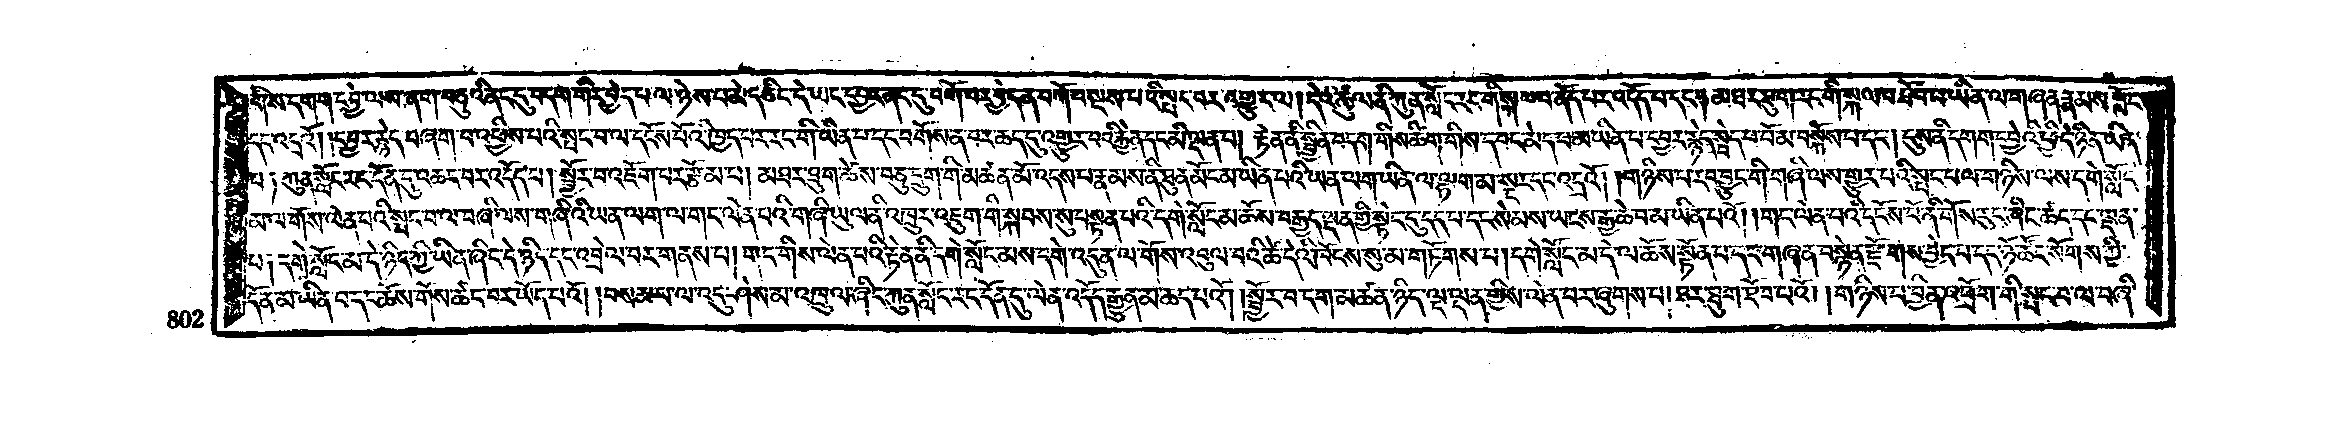གིས་དགག་དབྱེ་ལས་ཞག་བཅུའི་ནང་དུ་བདག་གིར་བྱེད་པ་ལ་ཉེས་པ་མེད་ཅིང་དེ་ཡང་དབྱར་ནང་དུ་བགོ་བར་བྱེད་ན་བགོ་བསྔས་པའི་སྤང་བར་འགྱུར་ལ། དེའི་ཚུལ་ནི་ཀུན་སློང་རང་གི་སྐལ་བ་ནོད་པར་འདོད་པ་དང༑ མཐར་ཐུག་རང་གི་སྐལ་བ་ཐོབ་པ་ཡིན་ལ་གཞན་རྣམས་གློང་
དང་འདྲའོ། །དབྱར་རྙེད་བཞག་པ་འཕྱིས་པའི་སྤང་བ་ལ་དངོས་པོའི་ཁྱད་པར་རང་གི་ཡིན་པ་དང་བགོས་ན་བར་ཆད་དུ་འགྱུར་བའི་རྐྱེན་དང་མི་ལྡན་པ། རྟེན་ནི་སྦྱིན་བདག་གིས་ཚིག་གིས་དབང་མེད་པ་མ་ཡིན་པ་དབྱར་རྙེད་སྦེད་པ་པོ་མ་བསྐོས་པ་དང་། དུས་ནི་དགག་དབྱེའི་ཕྱི་དེ་ཉིན་ཡིན་
པ༑ ཀུན་སློང་རང་དོན་དུ་འཆང་བར་འདོད་པ། སྦྱོར་བ་འཇོག་པ་རྩོམ་པ། མཐར་ཐུག་ཚེས་བཅུ་དྲུག་གི་མཚན་མོ་འདས་པ་རྣམས་ནི་ཐུན་མོང་མ་ཡིན་པའི་ཡན་ལག་ཡིན་ལ་ལྷག་མ་སྔར་དང་འདྲའོ། །གཉིས་པ་རབ་བྱུང་གི་གཞི་ལས་གྱུར་པའི་སྤང་པ་ལ་གཉིས་ལས་དགེ་སློང་
མ་ལ་གོས་ལེན་པའི་སྤང་བ་ལ་བཞི་ལས་གཞིའི་ཡན་ལག་ལ་གང་ལེན་པའི་གཞི་ཡུལ་ནི་འཁྲུར་འཇུག་གི་སྐབས་སུ་བསྟན་པའི་དགེ་སློང་མ་ཆོས་བརྒྱད་ལྡན་གྱི་སྟེང་དུ་དད་པ་དང་སེམས་ཡངས་རྒྱ་ཆེ་བ་མ་ཡིན་པའོ། །གང་ལེན་པའི་དངོས་པོ་ནི་གོས་རུང་ཞིང་ཚད་དང་ལྡན་
པ། དགེ་སློང་མ་དེ་ཉིད་ཀྱི་ཡིན་ཞིང་དེ་ཉིད་དང་འབྲེལ་བར་གནས་པ། གང་གིས་ལེན་པའི་རྟེན་ནི་དགེ་སློང་མས་དགེ་འདུན་ལ་གོས་འབུལ་བའི་ཚེ་དེའི་ཁོངས་སུ་མ་གཏོགས་པ། དགེ་སློང་མ་དེ་ལ་ཆོས་སྟོན་པ་དང་གཞན་བསྙེན་རྫོགས་བྱེད་པ་དང་ཉོ་ཚོང་སོགས་ཀྱི་
དོ་ན་མ་ཡིན་པ་དང་ཆོས་གོས་ཚང་བར་ཡོད་པའོ། །བསམ་པ་ལ་འདུ་ཤེས་མ་འཁྲུལ་ཞིང་ཀུན་སློང་རང་དོན་དུ་ལེན་འདོད་རྒྱུན་མ་ཆད་པའོ། །སྦྱོར་བ་དག་མཚན་ཉིད་ལྔ་ལྡན་གྱིས་ལེན་པར་ཞུགས་པ། ཐར་ཐུག་ཐོབ་པའོ། །གཉིས་པ་བྱིན་འཕྲོག་གི་སྤང་བ་ལ་བཞི་